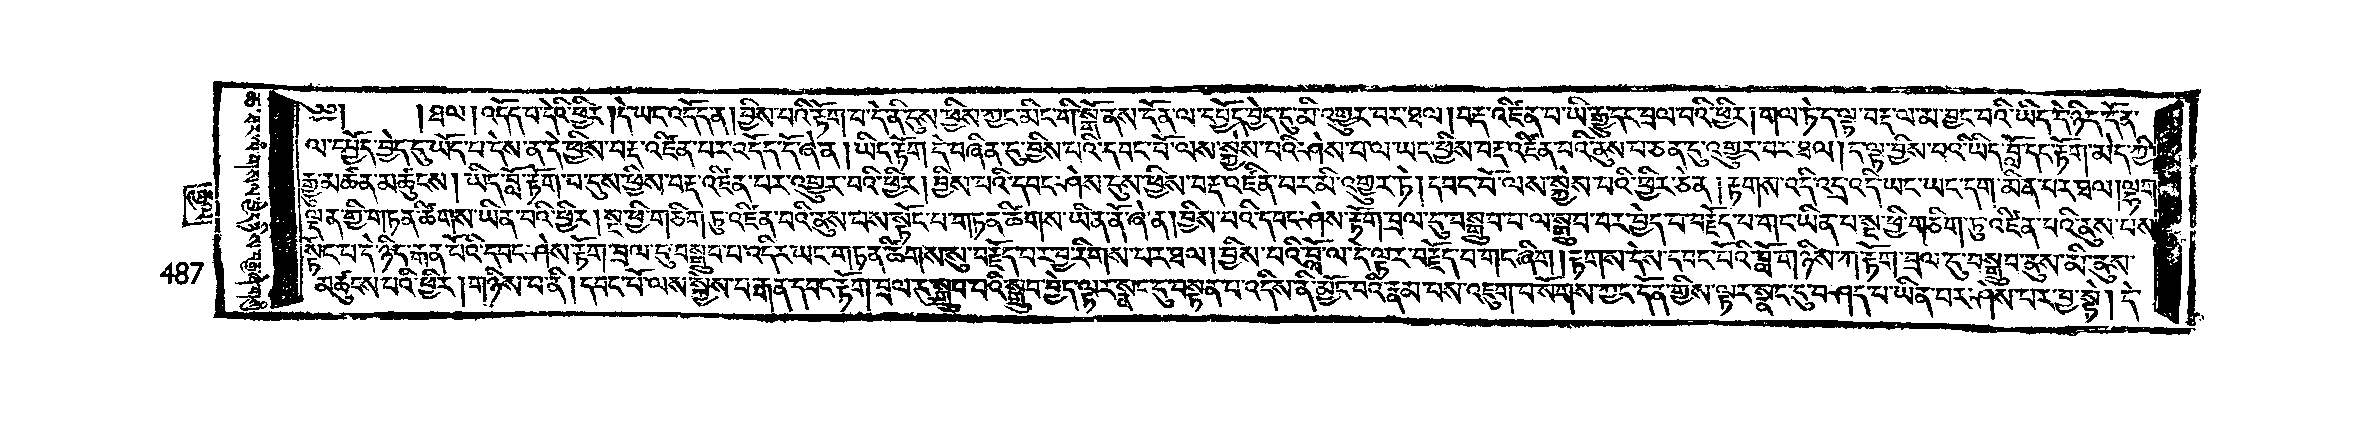༄༅། །ཐལ། འདོད་པ་དེའི་ཕྱིར། དེ་ཡང་འདོད་ན། བྱིས་པའི་རྟོག་པ་དེ་ནི་དུས་ཕྱིས་ཀྱང་མིང་གི་སྒོ་ནས་དོན་ལ་སྤྱོད་བྱེད་དུ་མི་འགྱུར་བར་ཐལ། བརྡ་འཛིན་པ་ཡིན་རྒྱུ་དང་བྲལ་བའི་ཕྱིར། གལ་ཏེ་ད་ལྟ་བརྡ་ལ་མ་བྱང་བའི་ཡིད་དེ་ཉིད་དོན་
ལ་དཔྱོད་བྱེད་དུ་ཡོད་པ་དེས་ན་དེ་ཕྱིས་བརྡ་འཛིན་པར་འདོད་དོ་ཞེ་ན། ཡིད་རྟོག་དེ་བཞིན་དུ་བྱིས་པའི་དབང་པོ་ལས་སྐྱེས་པའི་ཤེས་པ་ལ་ཡང་ཕྱིས་བརྡ་འཛིན་པའི་ནུས་པ་ཅན་དུ་འགྱུར་པར་ཐལ། ད་ལྟ་བྱིས་པའི་ཡིད་བློ་དང་རྟོག་མེད་ཀྱི་
རྒྱུ་མཚན་མཚུངས། ཡིད་བློ་རྟོག་པ་དུས་ཕྱིས་བརྡ་འཛིན་པར་འགྱུར་བའི་ཕྱིར། བྱིས་པའི་དབང་ཤེས་དུས་ཕྱིས་བརྡ་འཛིན་པར་མི་འགྱུར་ཏེ། དབང་པོ་ལས་སྐྱེས་པའི་ཕྱིར་ཅེ་ན། རྟགས་འདི་འདྲ་འདི་ཡང་ཡང་དག་མིན་པར་ཐལ། ལྷག་
ལྡན་གྱི་གཏན་ཚིགས་ཡིན་པའི་ཕྱིར། སྔ་ཕྱི་གཅིག་ཏུ་འཛིན་པའི་ནུས་པས་སྟོང་པ་གཏན་ཚིགས་ཡིན་ནོ་ཞེ་ན། བྱིས་པའི་དབང་ཤེས་རྟོག་བྲལ་དུ་བསྒྲུབ་པ་ལ་སྒྲུབ་པར་བྱེད་པ་བརྗོད་པ་གང་ཡིན་པ་སྔ་ཕྱི་གཅིག་ཏུ་འཛིན་པའི་ནུས་པས་
སྟོང་པ་དེ་ཉིད་རྒན་པོའི་དབང་ཤེས་རྟོག་བྲལ་དུ་བསྒྲུབ་པ་འདིར་ཡང་གཏན་ཚིགས་སུ་བརྗོད་པར་བྱ་རིགས་པར་ཐལ། བྱིས་པའི་བློ་ལ་དེ་ལྟར་བརྗོད་པ་གང་ཞིག། རྟགས་དེས་དབང་པོའི་བློ་གཉིས་ཀ་རྟོག་བྲལ་དུ་བསྒྲུབ་ནུས་མི་ནུས་
མཚུངས་པའི་ཕྱིར། གཉིས་པ་ནི། དབང་པོ་ལས་སྐྱེས་པ་རྒན་དབང་རྟོག་བྲལ་དུ་སྒྲུབ་པའི་སྒྲུབ་བྱེད་ལྟར་སྣང་དུ་བསྟན་པ་འདིས་ནི་མྱོང་བའི་རྣམ་པས་འཇུག་པ་སོགས་ཀྱང་དོན་གྱིས་ལྟར་སྣང་དུ་བཤད་པ་ཡིན་པར་ཤེས་པར་བྱ་སྟེ། དེ་